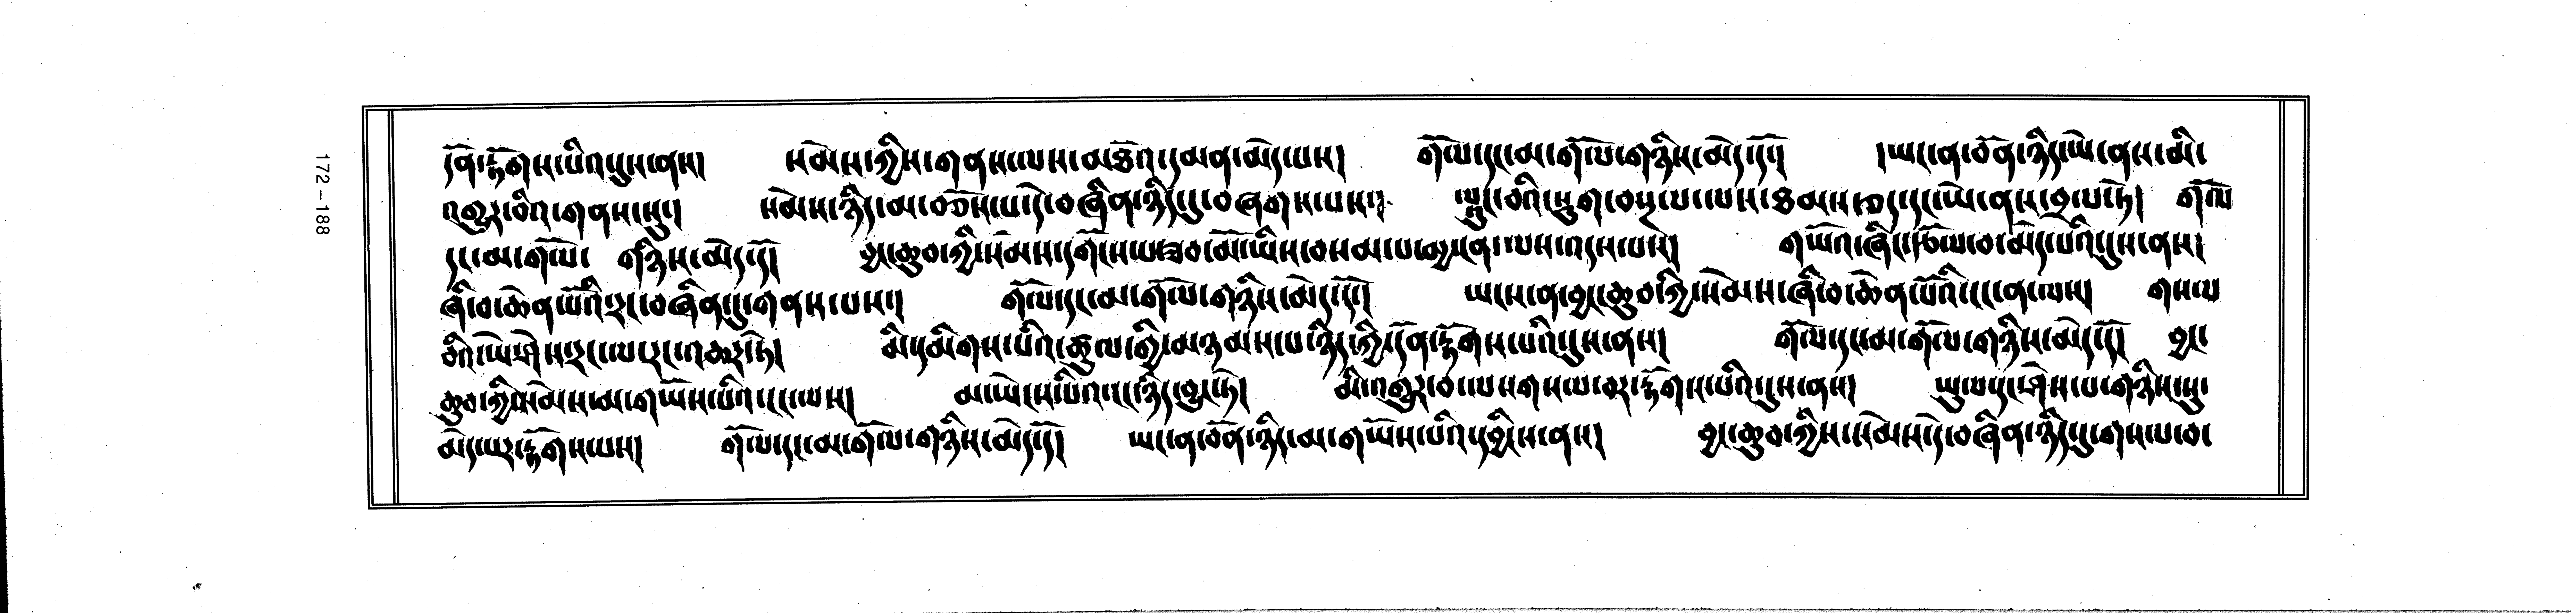དོན་རྟོགས་པའི་དུས་ནས། སེམས་ཀྱིས་གནས་ལས་མཐོའ་དམན་མེད་པས། གོལ་དང་མ་གོལ་གཉིས་མེད་དོ། ཡང་ན་བོན་ཉིད་ཡེ་ནས་མི་
འགྱུར་བའི་གནས་སུ། སེམས་ཉིད་མ་བཅོས་པ་དེ་བཞིན་ཉིད་དུ་བཞགས་པས། ལྟུང་བའི་སྡུག་བསྔལ་ལས་ཐམས་ཅད་དང་ཡེ་ནས་བྲལ་ཏེ། གོལ་
དང་མ་གོལ་གཉིས་མེད་དོ། བྱང་ཆུབ་ཀྱིས་སེམས་དགོངས་པ་ཟབ་མོ་ཡིས་བསམ་པ་མྱ་ངན་ལས་འདས་པས། གཡོའ་ཞིང་རྩོལ་བ་མེད་པའི་དུས་ནས། 
ཞི་བ་ཆེན་པོའི་རང་བཞིན་དུ་གནས་པས། གོལ་དང་མ་གོལ་གཉིས་མེད་དོ། ཡང་ན་བྱང་ཆུབ་ཀྱིས་སེམས་ཞི་བ་ཆེན་པོའི་ངང་ལས། གསལ་
བའི་ཡེ་ཤེས་རང་ལ་རང་འཆར་ཏེ། མི་དམིགས་པའི་ཚུལ་གྱི་མཉམས་པ་ཉིད་ཀྱི་དོན་རྟོགས་པའི་དུས་ནས། གོལ་དང་མ་གོལ་གཉིས་མེད་དོ། བྱང་
ཆུབ་ཀྱིས་སེམས་མ་གཡོས་པའི་ངང་ལས། མ་ཡེངས་པའི་ངང་ཉིད་བྱུང་ཏེ། མི་འགྱུར་བ་ལས་གསལ་བར་རྟོགས་པའི་དུས་ནས། ཡུལ་དང་ཤེས་པ་གཉིས་སུ་
མེད་པར་རྟོགས་པས། གོལ་དང་མ་གོལ་གཉིས་མེད་དོ། ཡང་ན་བོན་ཉིད་མ་གཡོས་པའི་དབྱིངས་ནས། བྱང་ཆུབ་ཀྱིས་སེམས་དེ་བཞིན་ཉིད་དུ་གསལ་བ་